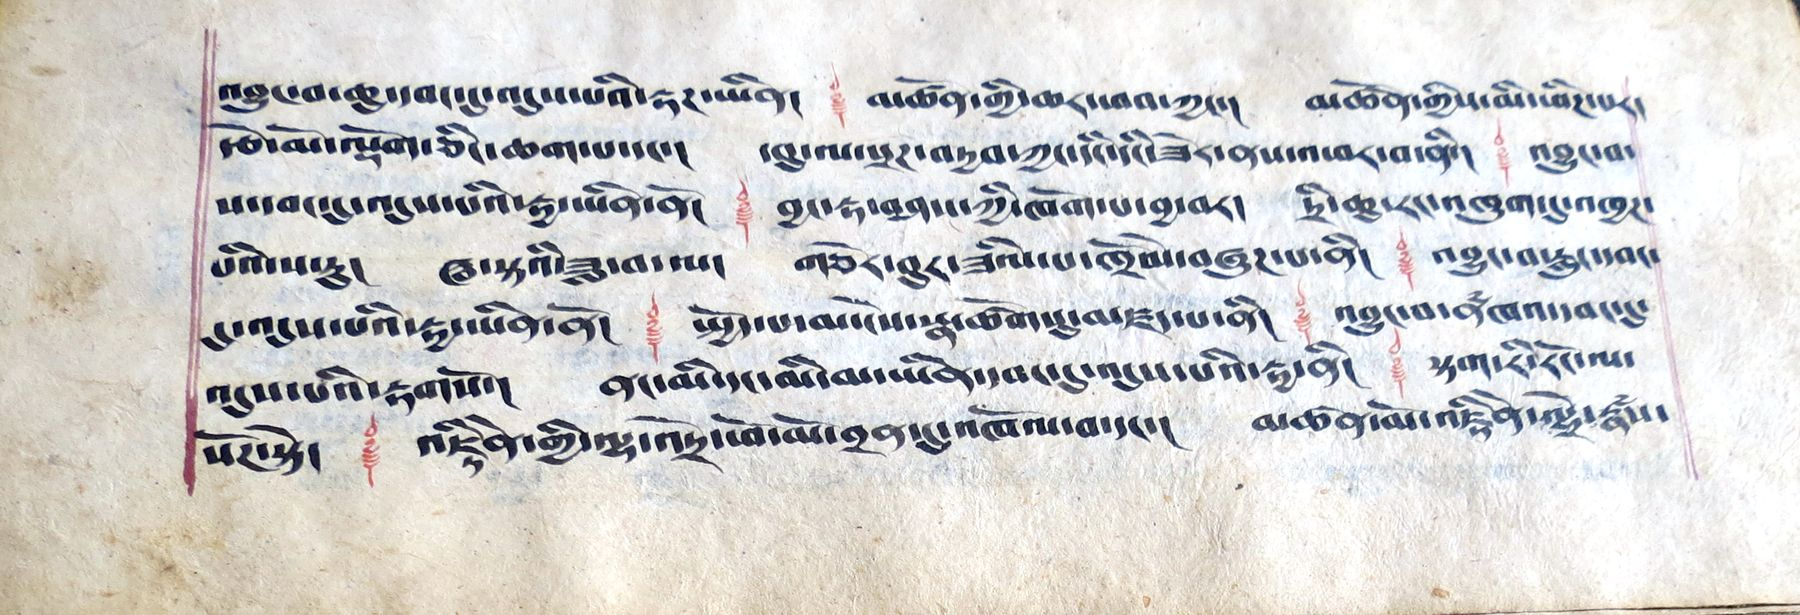འབྱུང་བ་ཆུ་དབང་དུ་འདུས་པའི་རྟགས་ཡིན། མཚོན་གྱིས་ཆར་ཕབས་ཀྱང་། མཚོན་གྱིས་མི་ཕིག་པར་
རྩེ་མོ་ལྡོག་ཅིང་ཆག་པ་དང་། དབུ་ལ་ལྕགས་སྦྲག་བརྒྱབ་ཀྱང་དིང་དིང་ཟེར་ནས་འཕར་བ་ནི། འབྱུང་བ་
ས་དབང་དུ་འདུས་པའི་རྟགས་ཡིན་ནོ། ། བྱང་རྟ་བཤས་ཀྱི་ཁོག་པ་བྱ་བ། དྲི་ཆུ་རང་ཁུག་ཏུ་འཁྱགས་
པའི་ས་རུ། ཝ་རྟའི་ཟླ་བ་ལ་གཅེར་བུར་ཟིལ་པ་ཕྲོམ་མེ་བཞུགས་པ་ནི། འབྱུང་བ་རླུང་དབང་
དུ་འདུས་པའི་རྟགས་ཡིན་ནོ། ། སྤྱོད་པ་མ་ངེས་སྣ་ཚོགས་སུ་མཛད་པ་ནི། འབྱུང་བ་ནམ་མཁའ་དབང་དུ་
འདུས་པའི་རྟགས་སོ། ། ནང་མི་དང་མི་མིན་དབང་དུ་འདུས་པའི་རྟགས་ནི། སྟག་རི་རོང་ལས་
སོགས་ཏེ་ འཇིག་རྟེན་གྱི་ལྷ་འདྲེ་ཕོ་མོ་བྲན་དུ་འཁོལ་བ་དང་། མཚན་མོ་འཇིག་རྟེན་གྱི་ལྷ་འདྲེ་རྣམས་